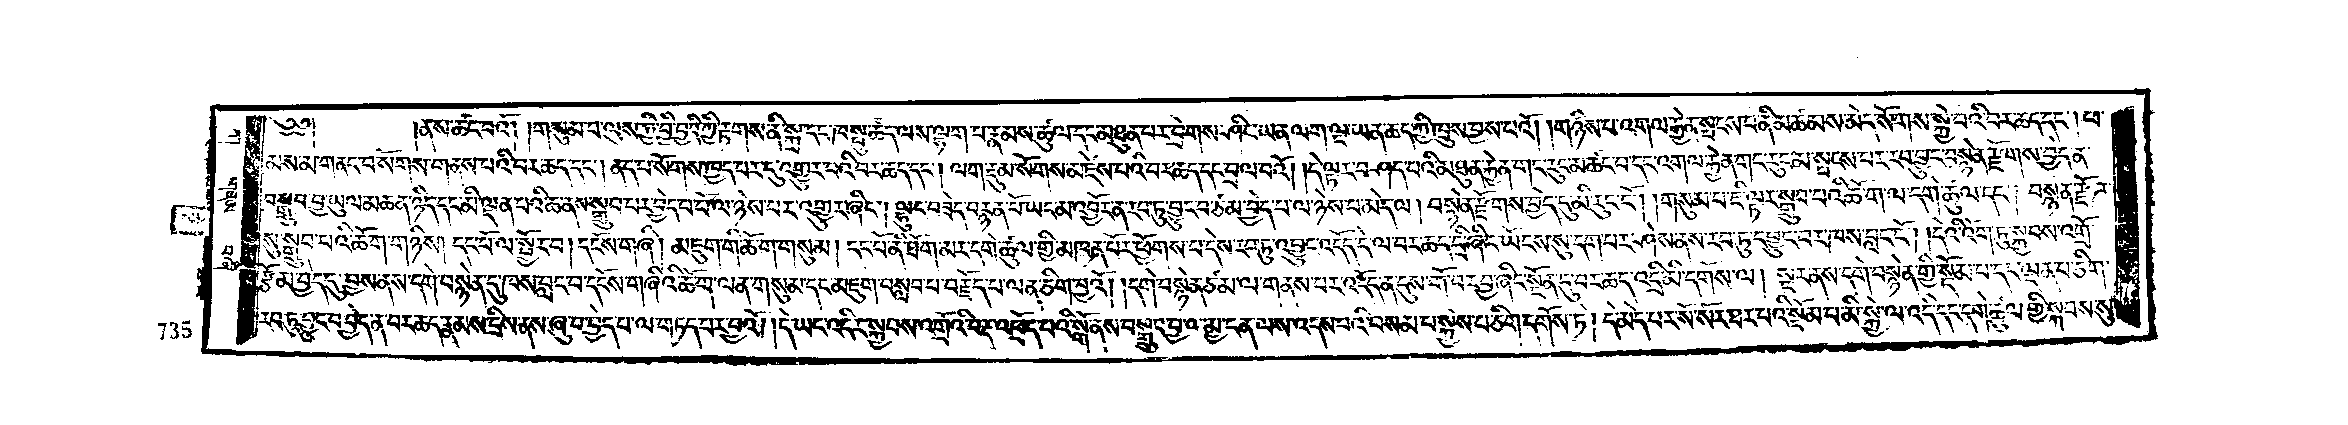༄༅། །ནས་ཚང་བའོ། །གསུམ་པ་ལུས་ཀྱི་བྱི་བྱའི་ཀྱི་རྟགས་ནི་སྐྲ་དང་ཁ་སྤུ་ཚད་ལས་ལྷག་པ་རྣམས་ཚུལ་དང་མཐུན་པར་བྲེགས་ཤིང་ཡན་ལག་ལྔ་ཡན་ཆད་ཀྱི་ཁྲུས་བྱས་པའོ། །གཉིས་པ་འགལ་རྐྱེན་སྤངས་པ་ནི་མཚམས་མེད་སོགས་སྐྱེ་བའི་བར་ཆད་དང་། ཕ་
མས་མ་གནང་བ་སོགས་གནས་པའི་བར་ཆད་དང་། ནད་པ་སོགས་ཁྱད་པར་དུ་འགྱུར་བའི་བར་ཆད་དང་། ལག་རྡུམ་སོགས་མཛེས་པའི་བར་ཆད་དང་བྲལ་བའོ། །དེ་ལྟར་བཤད་པའི་མཐུན་རྐྱེན་གང་རུང་མ་ཚང་བ་དང་འགལ་རྐྱེན་གང་རུང་མ་སྤངས་པར་རབ་བྱུང་བསྙེན་རྫོགས་བྱེད་ན་
བསྒྲུབ་བྱ་ཡུལ་མཚན་ཉིད་དང་མི་ལྡན་པའི་ཆ་ནས་སྒྲུབ་པར་བྱེད་པ་པོ་ལ་ཉེས་པར་འགྱུར་ཞིང་། ལྷུང་བཟེད་བརྙན་པོ་ཡང་མ་འབྱོར་ན་རབ་ཏུ་བྱུང་བ་ཙམ་བྱེད་པ་ལ་ཉེས་པ་མེད་ལ། བསྙེན་རྫོགས་བྱེད་དུ་མི་རུང་ངོ། །གསུམ་པ་ཇི་ལྟར་སྒྲུབ་པའི་ཆོ་ག་ལ་དགེ་ཚུལ་དང་། བསྙན་རྫོགས་
སུ་སྒྲུབ་པའི་ཆོ་ག་གཉིས། དང་པོ་ལ་སྦྱོར་བ། དངོས་གཞི། མཇུག་གི་ཆོ་ག་གསུམ། དང་པོ་ནི་ཐོག་མར་དགེ་ཚུལ་གྱི་མཁན་པོར་ཕྱོགས་པ་དེས་རབ་ཏུ་འབྱུང་འདོད་དེ་ལ་བར་ཆད་དྲི་ཞིང་ཡོངས་སུ་དག་པར་ཤེས་ནས་རབ་ཏུ་དབྱུང་བར་ཁས་བླང་ངོ། །དེའི་འོག་ཏུ་སྐྱབས་འགྲོ་
རྩོམ་བྱེད་དུ་བྱས་ནས་དགེ་བསྙེན་དུ་ཁས་བླང་བ་དངོས་གཞིའི་ཆོ་ག་ལན་གསུམ་དང་མཇུག་བསླབ་པ་བརྗོད་པ་ལན་ཅིག་བྱའོ། །དགེ་བསྙེན་ཙམ་ལ་གནས་པར་འདོད་ན་དུས་གོ་བར་བྱ་ཞིང་སྔོན་དུ་བར་ཆད་འདྲི་མི་དགོས་ལ། སྔར་ནས་དགེ་བསྙེན་གྱི་སྡོམ་པ་དང་ལྡན་པ་ཅིག་
རབ་ཏུ་བྱུང་བ་བྱེད་ན་བར་ཆད་རྣམས་དྲིས་ནས་ཞུ་བ་བྱེད་པ་ལ་གཏད་པར་བྱའོ། །དེ་ཡང་འདིར་སྐྱབས་འགྲོའི་བརྡ་འཕྲོད་པའི་སྒོ་ནས་བསྒྲུབ་བྱ་འ་མྱ་ངན་ལས་འདས་པའི་བསམ་པ་སྐྱེས་པ་ཅིག་དགོས་ཏེ། དེ་མེད་པར་སོ་སོར་ཐར་པའི་སྡོམ་པ་མི་སྐྱེ་ལ་འདི་དང་དགེ་ཚུལ་གྱི་སྐབས་སུ་